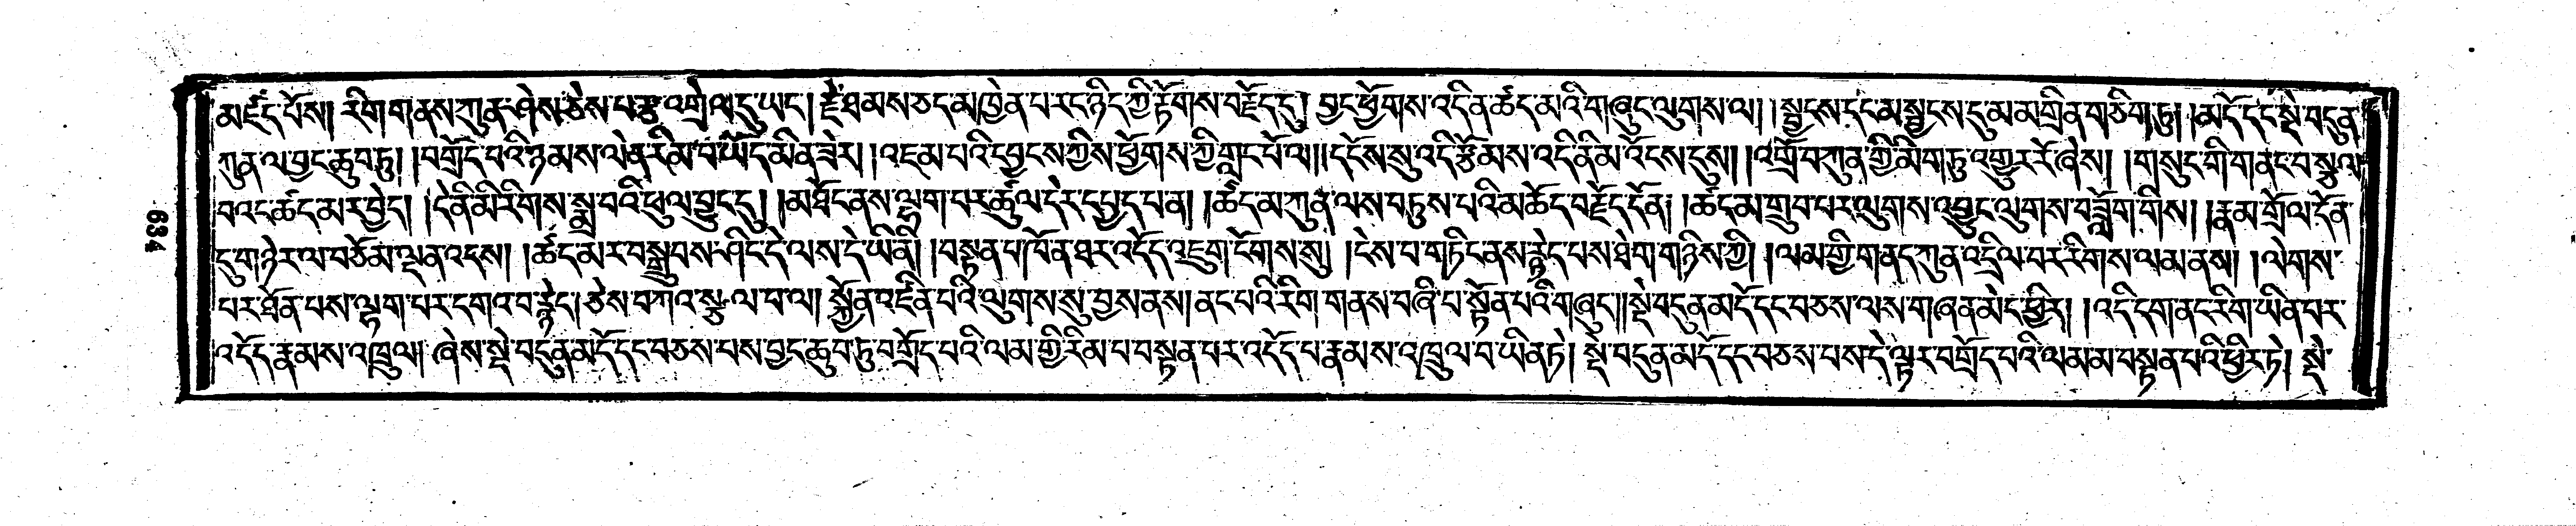མཛད་པོས། རིག་གནས་ཀུན་ཤེས་ཅེས་པ་རྩ་འགྲེལ་དུ་ཡང་། རྗེ་ཐམས་ཅད་མཁྱེན་པ་རང་ཉིད་ཀྱི་རྟོགས་བརྗོད་དུ། བྱང་ཕྱོགས་འདི་ན་ཚད་མའི་གཞུང་ལུགས་ལ། །སྦྱངས་དང་མ་སྦྱངས་དུ་མ་མགྲིན་གཅིག་ཏུ། །མདོ་དང་སྡེ་བདུན་
ཀུན་ལ་བྱང་ཆུབ་ཏུ། །བགྲོད་པའི་ཉམས་ལེན་རིམ་པ་ཡོད་མིན་ཟེར། །འཇམ་པའི་དབྱངས་ཀྱིས་ཕྱོགས་ཀྱི་གླང་པོ་ལ། །དངོས་སུ་འདི་རྩོམས་འདི་ནི་མ་འོངས་དུས། །འགྲོ་བ་ཀུན་གྱི་མིག་ཏུ་འགྱུར་རོ་ཞེས། །གསུང་གི་གནང་བ་སྩལ་
བའང་ཚད་མར་བྱེད། །དེ་ནི་མི་རིགས་སྨྲ་བའི་ཕུལ་བྱུང་དུ། །མཐོང་ནས་ལྷག་པར་ཚུལ་དེར་དཔྱད་པ་ན། །ཚད་མ་ཀུན་ལས་བཏུས་པའི་མཆོད་བརྗོད་དོན། །ཚད་མ་གྲུབ་པར་ལུགས་འབྱུང་ལུགས་བཟློག་གིས། །རྣམ་གྲོལ་དོན་
དུ་གཉེར་ལ་བཅོམ་ལྡན་འདས། །ཚད་མར་བསྒྲུབས་ཤིང་དེ་ལས་དེ་ཡི་ནི། །བསྟན་པ་ཁོ་ན་ཐར་འདོད་འཇུག་ངོགས་སུ། །ངེས་པ་གཏིང་ནས་རྙེད་པས་ཐེག་གཉིས་ཀྱི། །ལམ་གྱི་གནད་ཀུན་འདྲིལ་བར་རིགས་ལམ་ནས། །ལེགས་
པར་ཐོན་པས་ལྷག་པར་དགའ་བ་རྙེད། ཅེས་བཀའ་སྩལ་པ་ལ། སྐྱོན་འཛིན་པའི་ལུགས་སུ་བྱས་ནས། ནང་པའི་རིག་གནས་བཞི་པ་སྟོན་པའི་གཞུང་། །སྡེ་བདུན་མདོ་དང་བཅས་ལས་གཞན་མེད་ཕྱིར། །འདི་དག་ནང་རིག་ཡིན་པར་
འདོད་རྣམས་འཁྲུལ། ཞེས་སྡེ་བདུན་མདོ་དང་བཅས་པས་བྱང་ཆུབ་ཏུ་བགྲོད་པའི་ལམ་གྱི་རིམ་པ་བསྟན་པར་འདོད་པ་རྣམས་འཁྲུལ་བ་ཡིན་ཏེ། སྡེ་བདུན་མདོ་དང་བཅས་པས་དེ་ལྟར་བགྲོད་པའི་ལམ་མ་བསྟན་པའི་ཕྱིར་ཏེ། སྡེ་